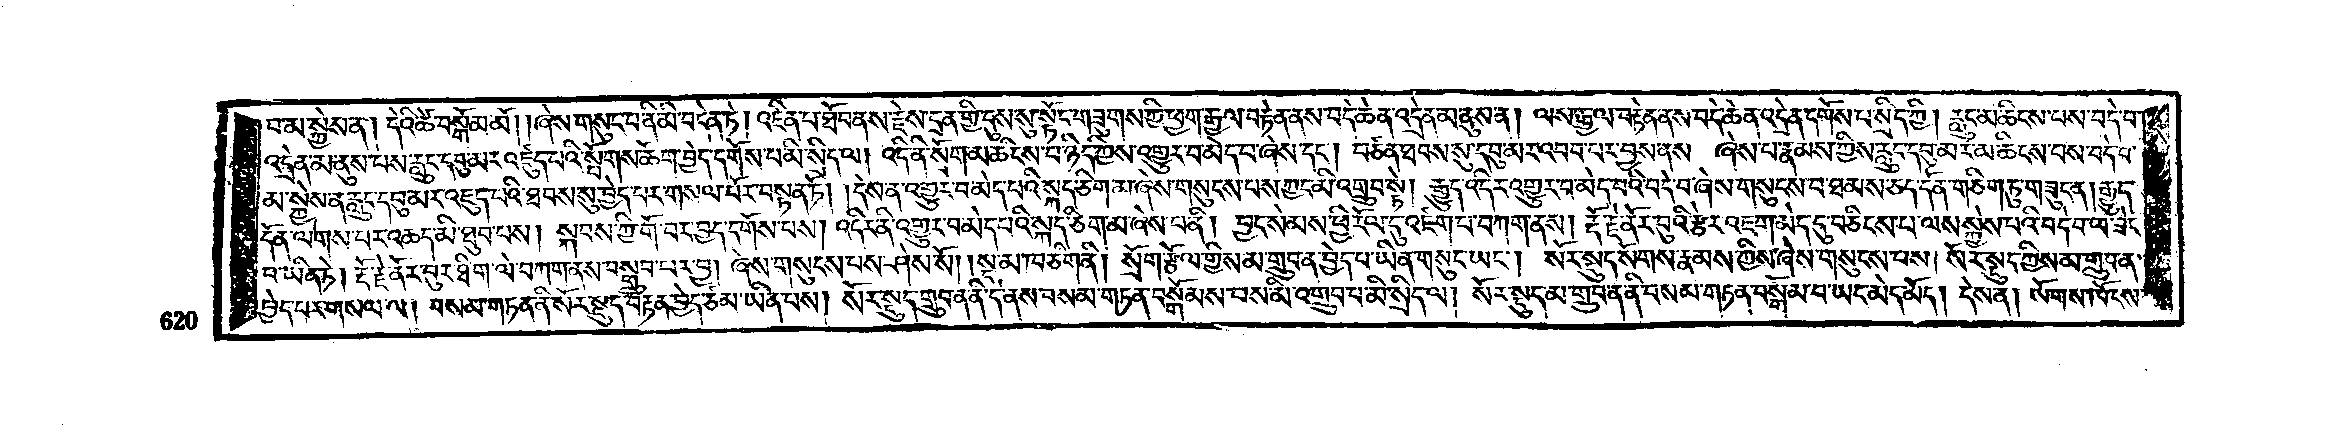བ་མ་སྐྱེས་ན། དེའི་ཚེ་བསྒོམ་མོ། །ཞེས་གསུང་པ་ནི་མི་བདེན་ཏེ། འཛིན་པ་ཐོབ་ནས་རྗེས་དྲན་གྱི་དུས་སུ་སྟོང་གཟུགས་ཀྱི་ཕྱག་རྒྱལ་བརྟེན་ནས་བདེ་ཆེན་འདྲེན་མ་ནུས་ན། ལས་རྒྱལ་བརྟེན་ནས་བདེ་ཆེན་འདྲེན་དགོས་པ་སྲིད་ཀྱི། རླུང་མ་ཆིངས་པས་བདེ་བ་
འདྲེན་མ་ནུས་པས་རླུང་དབུ་མར་འཛུད་པའི་སྤོགས་ཆོག་བྱེད་དགོས་པ་མི་སྲིད་ལ། འདི་ནི་སྲོག་མ་ཆིངས་པ་ཉིད་ཀྱིས་འགྱུར་བ་མེད་པ་ཞེས་དང་། བཙན་ཐབས་སུ་དབུ་མར་འབབ་པར་བྱས་ནས། ཞེས་པ་རྣམས་ཀྱིས་རླུང་དབུ་མར་མ་ཆིངས་པས་བདེ་བ་
མ་སྐྱེས་ན་རླུང་དབུ་མར་འཇུད་པའི་ཐབས་སུ་བྱེད་པར་གསལ་པོར་བསྟན་ཏོ། །དེས་ན་འགྱུར་བ་མེད་པའི་སྐད་ཅིག་མ་ཞེས་གསུངས་པས་ཀྱང་མི་འགྲུབ་སྟེ། རྒྱུད་འདིར་འགྱུར་བ་མེད་པའི་བདེ་བ་ཞེས་གསུངས་པ་ཐམས་ཅད་དོན་གཅིག་ཏུ་གཟུང་ན། རྒྱུད་
དོན་ལེགས་པར་འཆད་མི་ཐུབ་པས། སྐབས་ཀྱི་གོ་བར་བྱད་དགོས་པས། འདིར་ནི་འགྱུར་བ་མེད་པའི་སྐད་ཅིག་མ་ཞེས་པ་ནི། བྱང་སེམས་ཕྱི་རོལ་དུ་འཛག་པ་བཀག་ནས། རྡོ་རྗེ་ནོར་བུའི་རྩེར་འཇོག་མེད་དུ་བཅིངས་པ་ལས་སྐྱེས་པའི་བདེ་བ་ལ་ཟེར་
བ་ཡིན་ཏེ། རྡོ་རྗེ་ནོར་བུར་ཐིག་ལེ་བཀག་ནས་བསྒྲུབ་པར་བྱ། ཞེས་གསུངས་པས་ཤེས་སོ། །སྔ་མ་ཁ་ཅིག་ནི། སྲོག་རྩེལ་གྱིས་མ་གྲུབ་ན་བྱེད་པ་ཡིན་གསུང་ཡང་། སོར་སྡུད་སོགས་རྣམས་ཀྱིས་ཞེས་གསུངས་པས། སོར་སྡུད་ཀྱིས་མ་གྲུབ་ན་
བྱེད་པར་གསལ་ལ། བསམ་གཏན་ནི་སོར་སྡུད་བརྟན་བྱེད་ཙམ་ཡིན་པས། སོར་སྡུད་གྲུབ་ན་ནི་དེ་ནས་བསམ་གཏན་བསྒོམས་པས་མི་འགྲུབ་པ་མི་སྲིད་ལ། སོར་སྡུད་མ་གྲུབ་ན་ནི་བསམ་གཏན་བསྒོམ་པ་ཡང་མེད་མོད། དེས་ན། སོགས་ཁེངས་